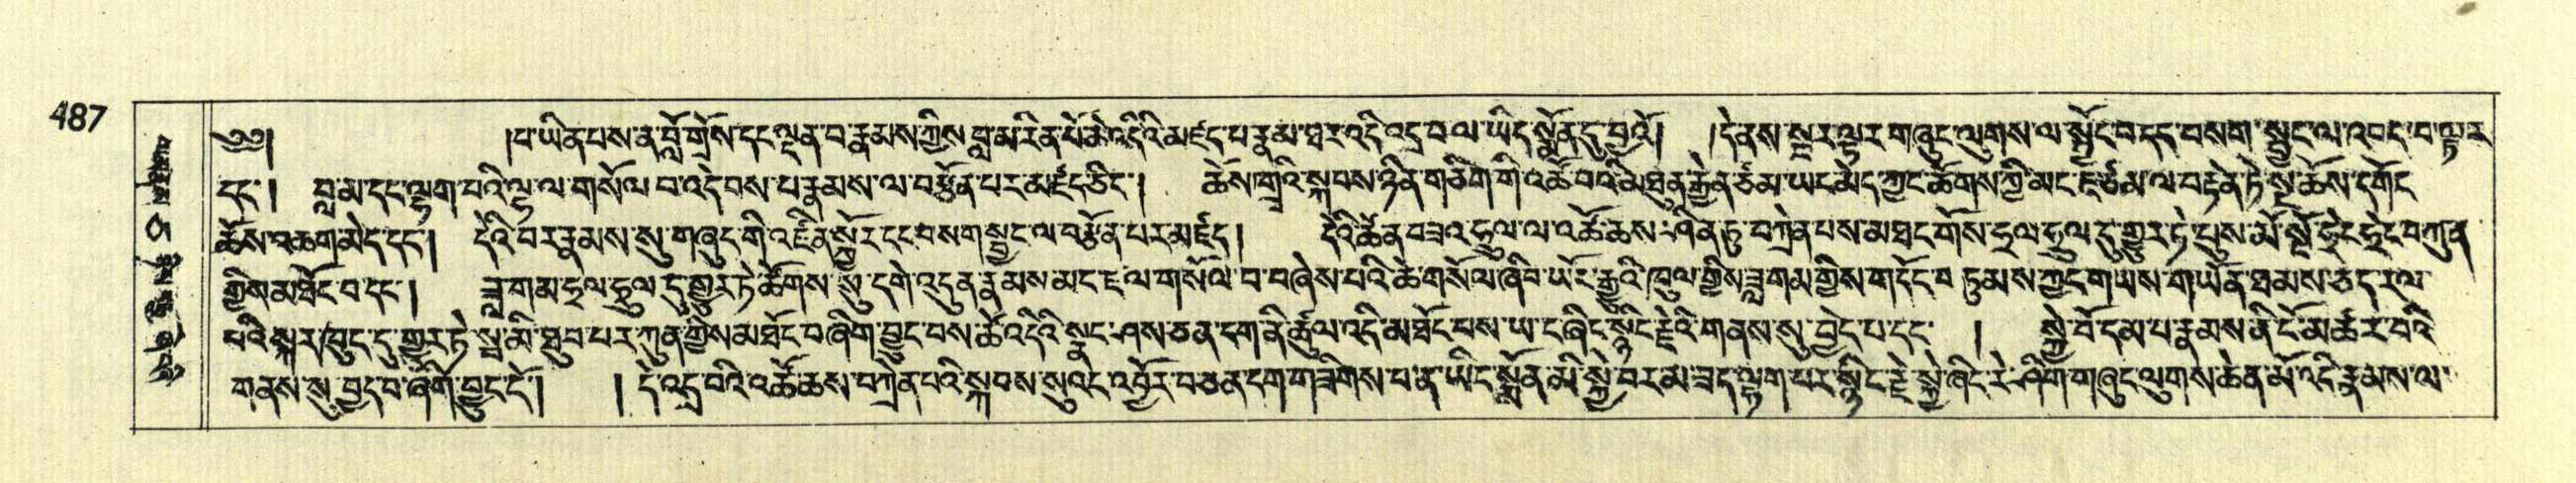༄༅། །པ་ཡིན་པས་ན་བློ་གྲོས་དང་ལྡན་བ་རྣམས་ཀྱིས་བླ་མ་རིན་པོ་ཆེ་འདིའི་མཛད་པ་རྣམ་ཐར་འདི་འདྲ་བ་ལ་ཡིད་སྨོན་དུ་བྱའོ། །དེ་ནས་སྔར་ལྟར་གཞུང་ལུགས་ལ་སྦྱོང་བ་དད་བསག་སྦྱང་ལ་འབད་བ་ལྟར་
དང་། བླ་མ་དང་ལྷག་པའི་ལྷ་ལ་གསོལ་བ་འདེབས་པ་རྣམས་ལ་བརྩོན་པར་མཛད་ཅིང་། ཆོས་གྲྭའི་སྐབས་ཉིན་གཅིག་གི་འཚོ་བའི་མཐུན་རྒྱེན་ཙམ་ཡང་མེད་ཀྱང་ཚོགས་ཀྱི་མང་ཇ་ཙམ་ལ་བརྟན་ཏེ་སྔ་ཆོས་དགོང་
ཆོས་འཆག་མེད་དང་། དེའི་བར་རྣམས་སུ་གཞུང་གི་འཛིན་སྐྱོར་དང་བསག་སྦྱང་ལ་བརྩོན་པར་མཛད། དེའི་ཚེན་བཟའ་ཧྲུལ་ལ་འཚོ་ཆས་ཤིན་ཏུ་བཀྲེན་པས་མཐང་གོས་ཧྲལ་ཧྲུལ་དུ་གྱུར་ཏེ་པུས་མོ་སྔོ་ཧྲེང་ཧྲེང་བ་ཀུན་
གྱིས་མཐོང་བ་དང་། ཟླ་གམ་ཧྲལ་ཧྲུལ་དུ་གྱུར་ཏེ་ཚོགས་སུ་དགེ་འདུན་རྣམས་མང་ཇ་ལ་གསོལ་བ་བཞེས་པའི་ཆེ་གསོལ་ཞིབ་ཡོང་རྒྱུའི་ཁུལ་གྱིས་ཟླ་གམ་གྱིས་གདོང་བཏུམས་ཀྱང་གཡས་གཡོན་ཐམས་ཅད་རལ་
པའི་སྐར་ཁུང་དུ་གྱུར་ཏེ་སྦ་མི་ཐུབ་པར་ཀུན་གྱིས་མཐོང་བ་ཞིག་བྱུང་བས་ཚེ་འདིའི་སྣང་ཤས་ཅན་དག་ནི་ཚུལ་འདི་མཐོང་བས་ཡ་ང་ཞིང་སྙིང་རྗེའི་གནས་སུ་བྱེད་པ་དང་། སྐྱེ་བོ་དམ་པ་རྣམས་ནི་ངོ་མཚར་བའི་
གནས་སུ་བྱད་བ་ཞིག་བྱུང་ངོ། །དེ་འདྲ་བའི་འཆོ་ཆས་བཀྲེན་པའི་སྐབས་སུའང་འབྱོར་བ་ཅན་དག་གཟིགས་པ་ན་ཡིད་སྨོན་མི་སྐྱེ་བར་མ་ཟད་ལྷག་པར་སྙིང་རྗེ་སྐྱེ་ཞིང་རེ་ཤིག་གཞུང་ལུགས་ཆེན་མོ་འདི་རྣམས་ལ་